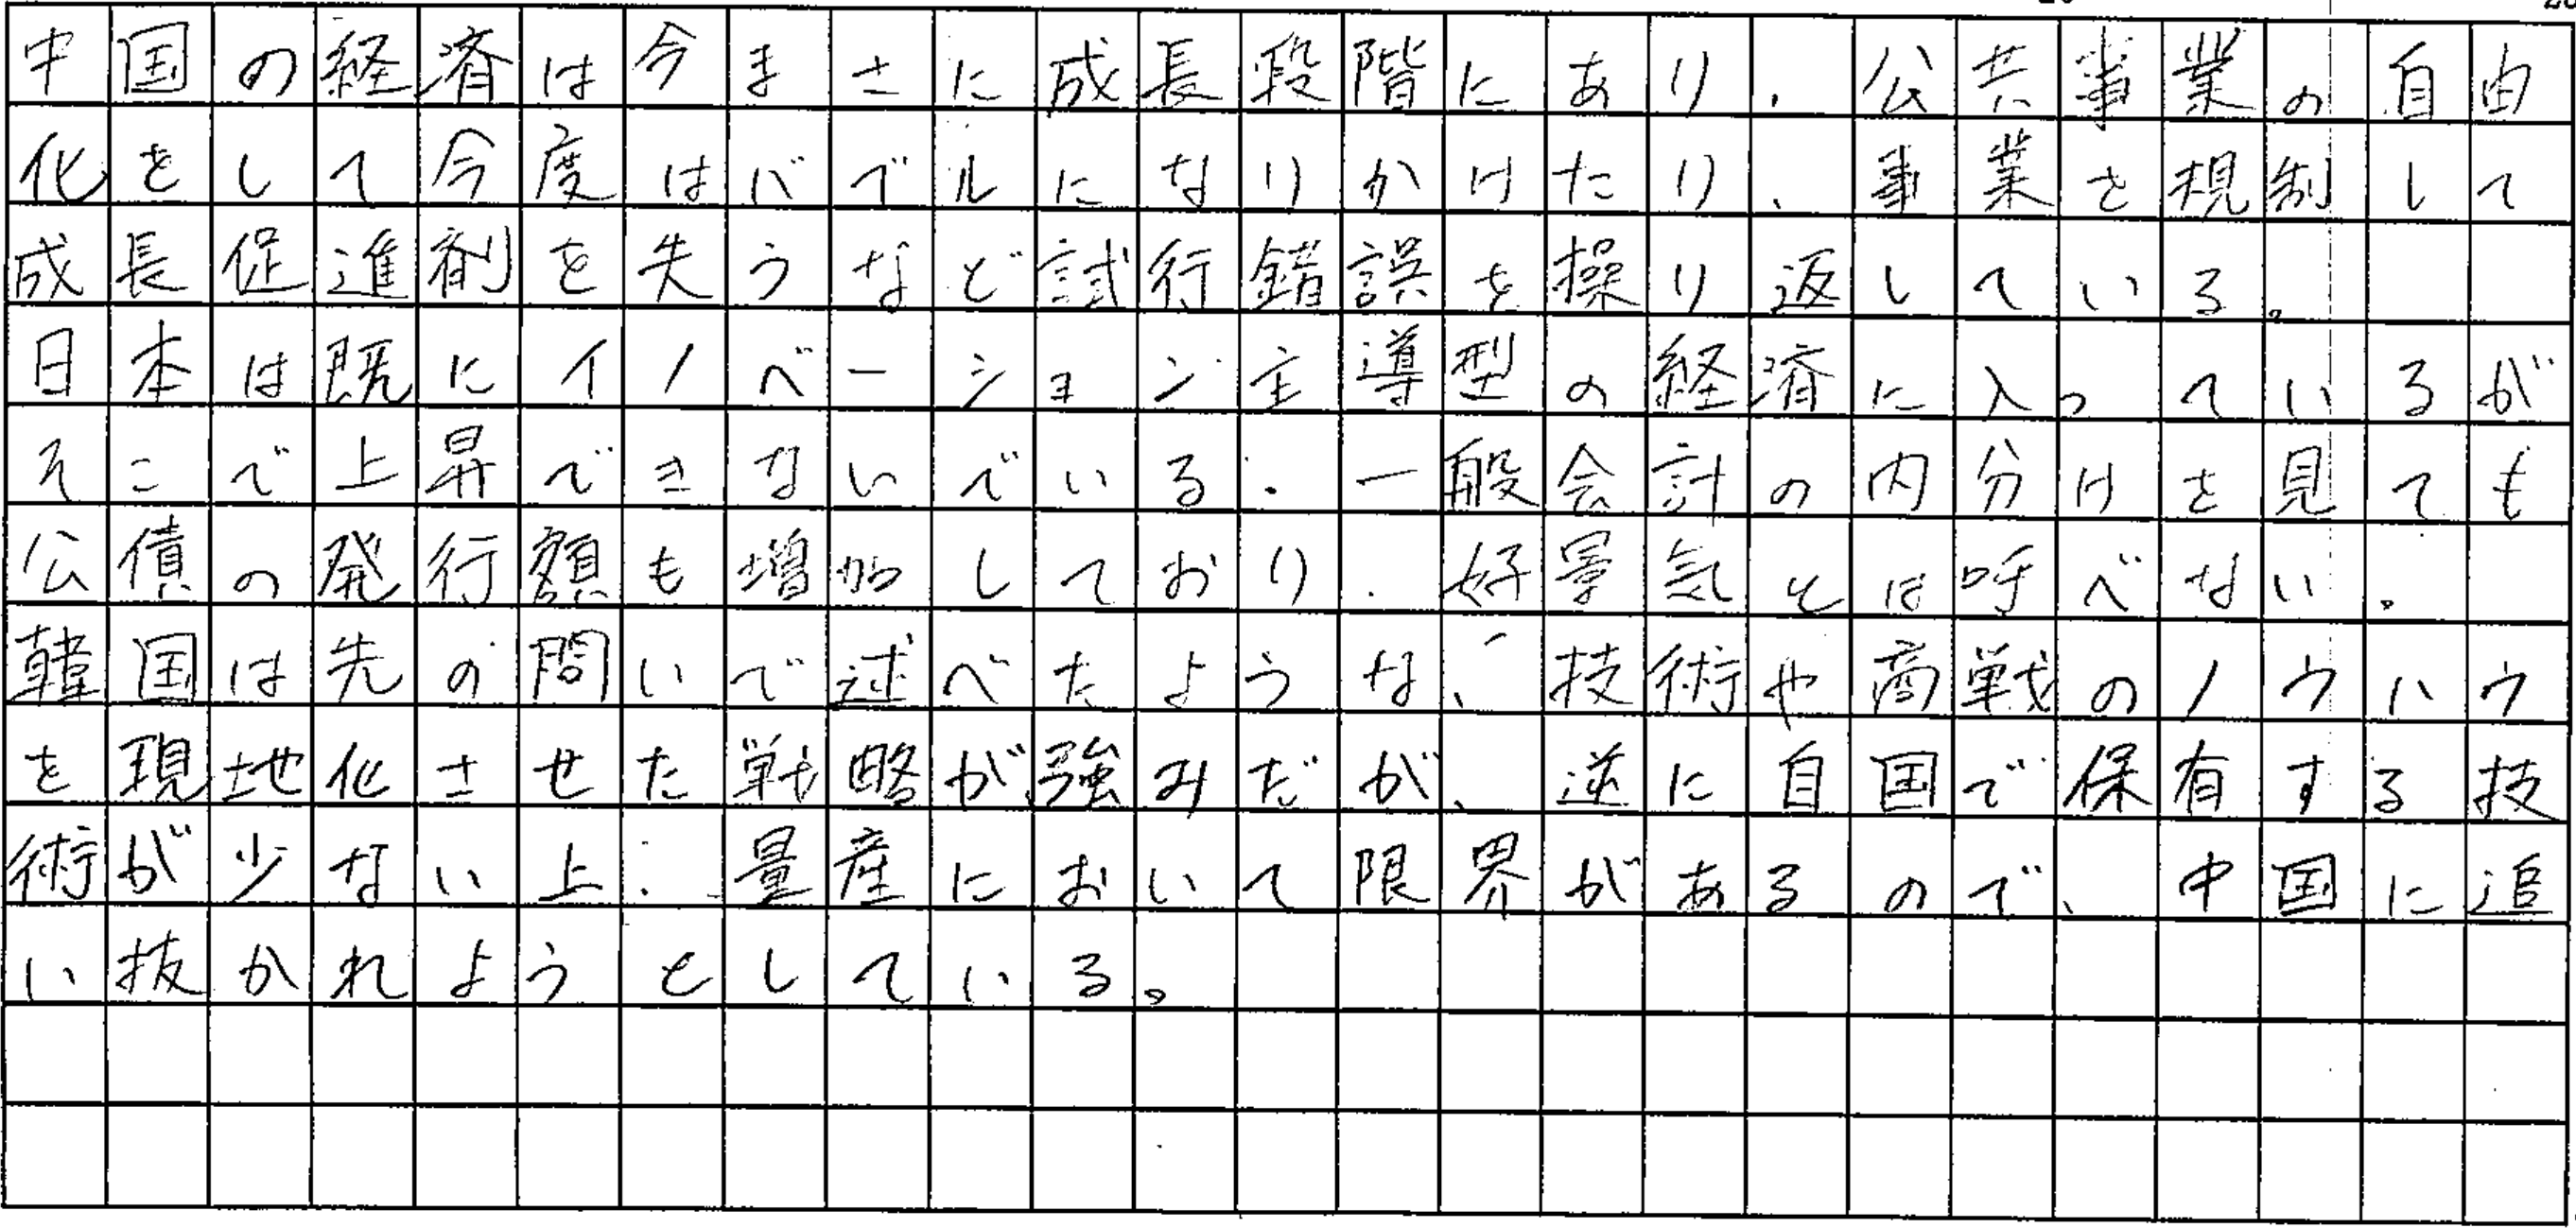中国の経済は今まさに成長段階にあり、公共事業の自由化をして今度はバブルになりかけたり、事業を規制して成長促進剤を失うなど試行錯誤を操り返している。　　日本は既にイノベーション主導型の経済に入っているがそこで上昇できないでいる。一般会計の内分けを見ても公債の発行額も増加しており、好景気とは呼べない。　韓国は先の問いで述べたような、技術や商戦のノウハウを現地化させた戦略が強みだが、逆に自国で保有する技術が少ない上、量産において限界があるので、中国に追い抜かれようとしている。
